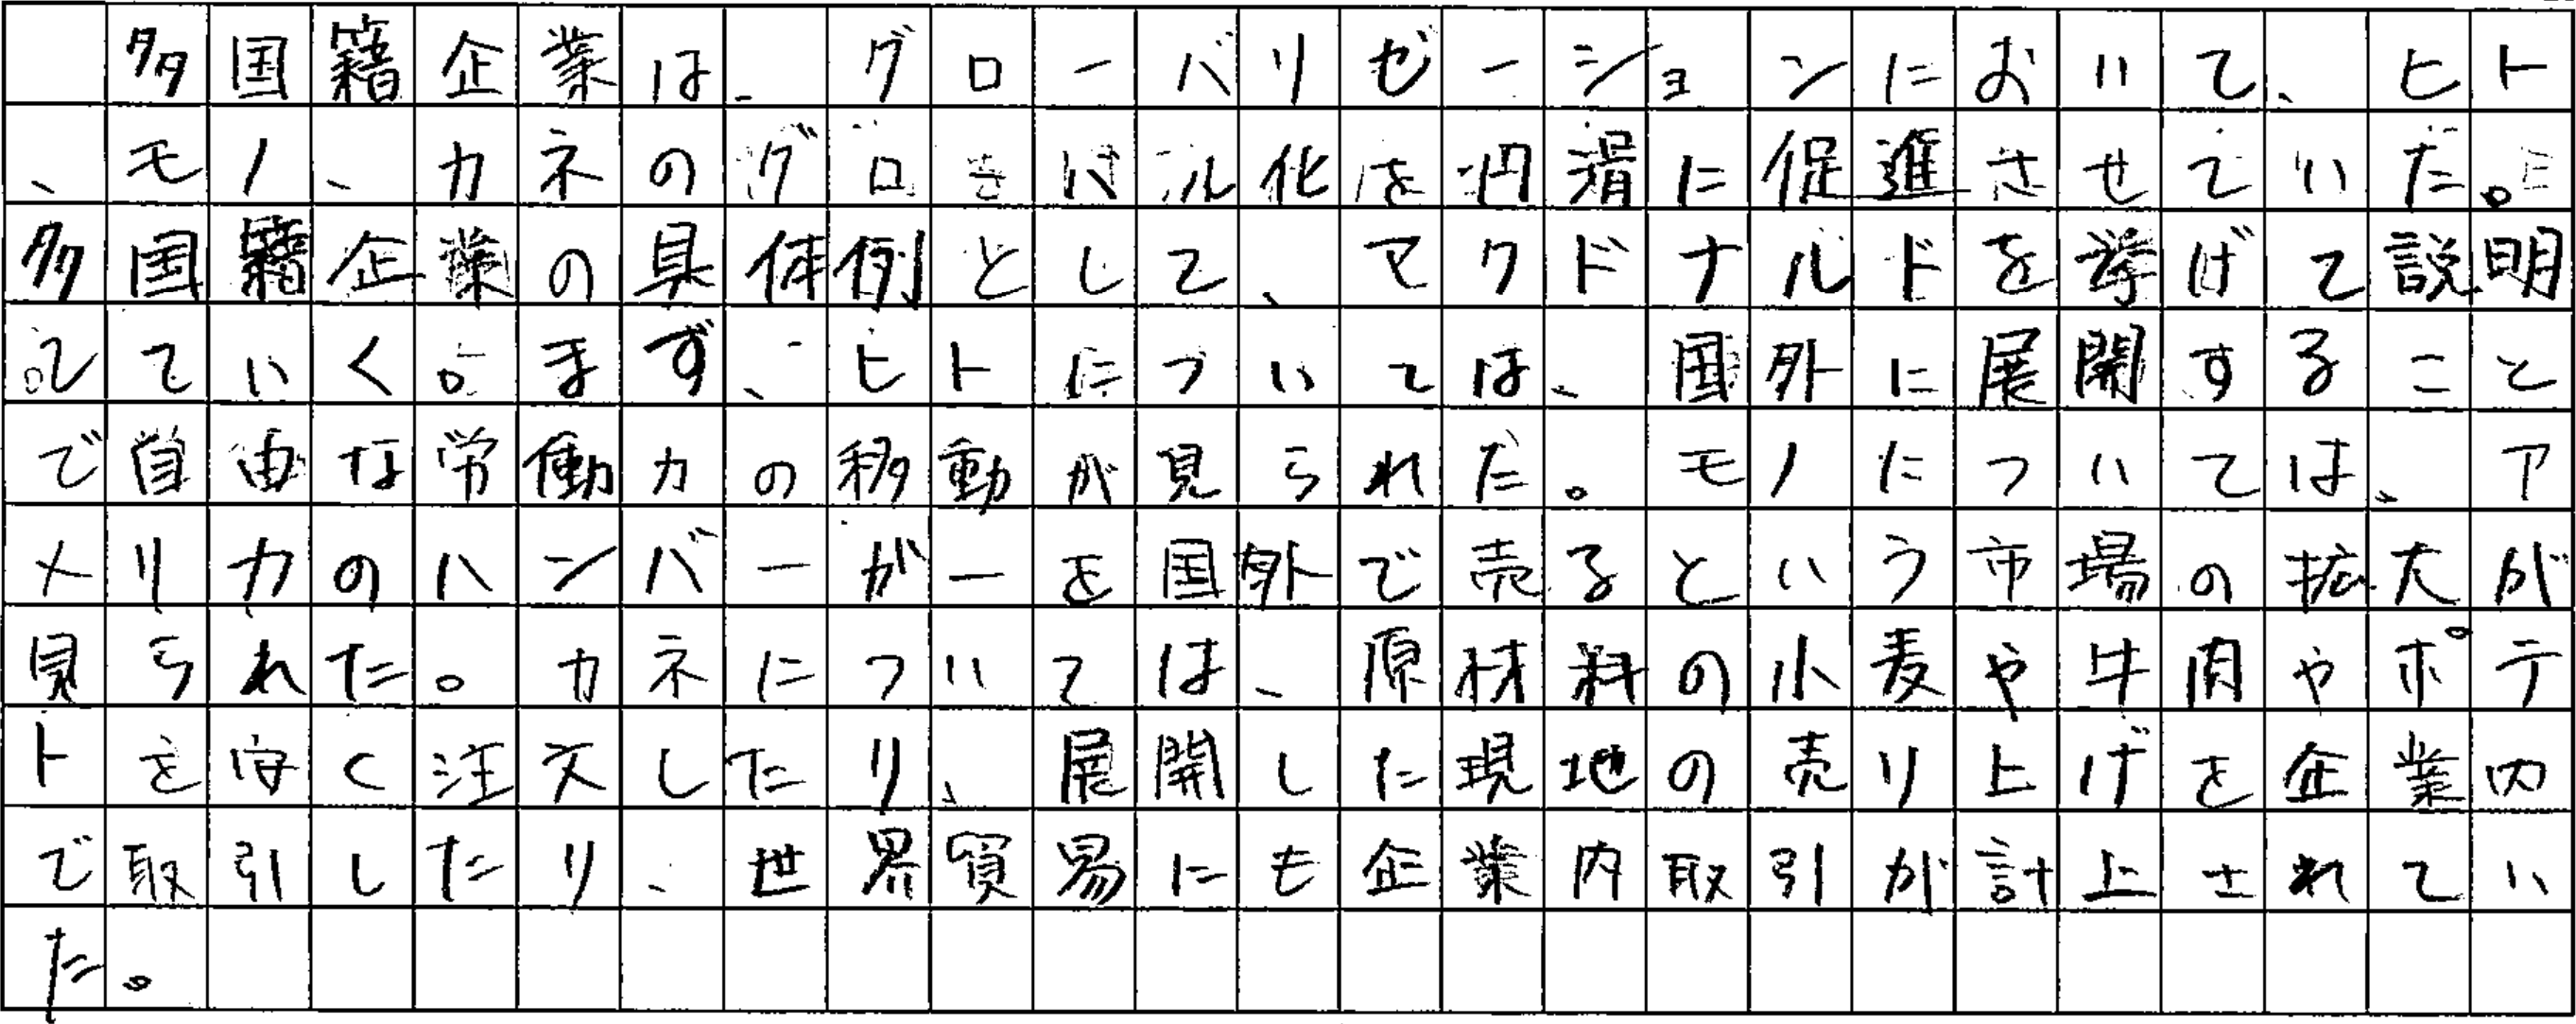　多国籍企業は、グローバリゼーションにおいて、ヒト、モノ、カネのグローバル化を円滑に促進させていた。多国籍企業の具体例として、マクドナルドを挙げて説明していく。まず、ヒトについては、国外に展開することで自由な労働力の移動が見られた。モノについては、アメリカのハンバーガーを国外で売るという市場の拡大が見られた。カネについては、原材料の小麦や牛肉やポテトを安く注文したり、展開した現地の売り上げを企業内で取引したり、世界貿易にも企業内取引が計上されていた。
